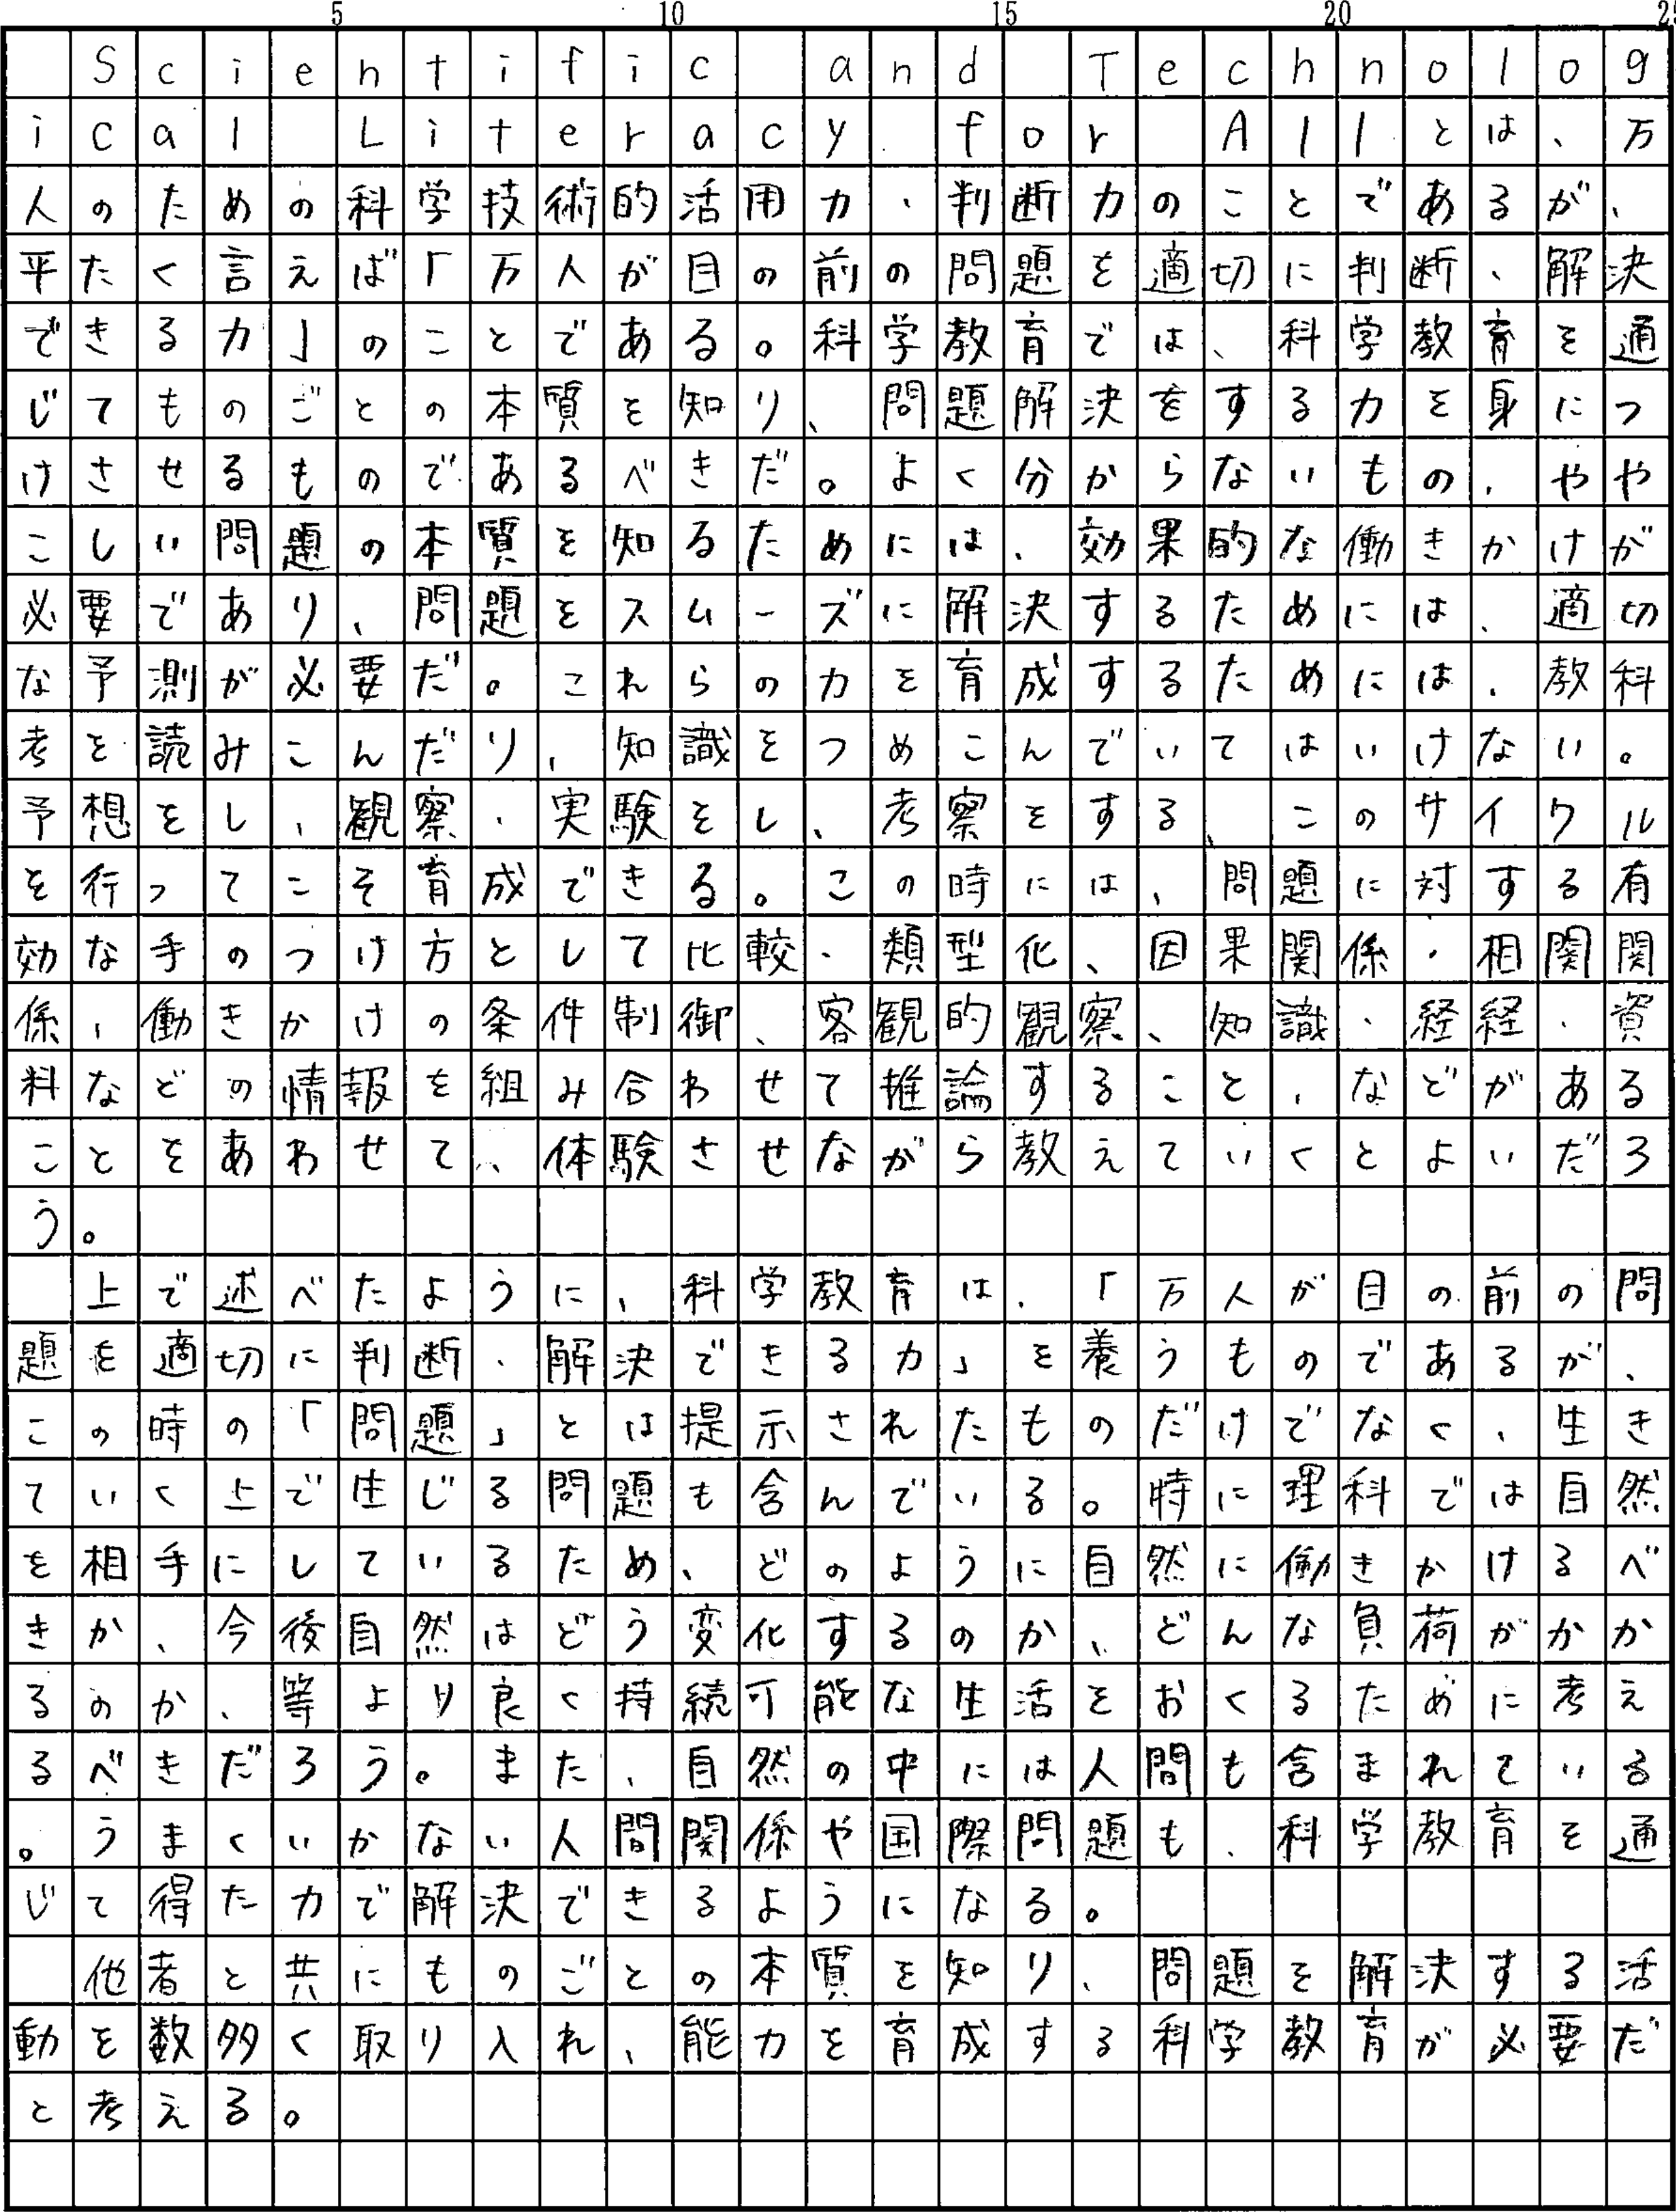　Ｓｃｉｅｎｔｉｆｉｃ　ａｎｄ　Ｔｅｃｈｎｏｌｏｇｉｃａｌ　Ｌｉｔｅｒａｃｙ　ｆｏｒ　Ａｌｌとは、万人のための科学技術的活用力・判断力のことであるが、平たく言えば「万人が目の前の問題を適切に判断・解決できる力」のことである。科学教育では、科学教育を通じてものごとの本質を知り、問題解決をする力を身につけさせるものであるべきだ。よく分からないもの、ややこしい問題の本質を知るためには、効果的な働きかけが必要であり、問題をスムーズに解決するためには、適切な予測が必要だ。これらの力を育成するためには、教科考を読みこんだり、知識をつめこんでいてはいけない。予想をし、観察・実験をし、考察をする、このサイクルを行ってこそ育成できる。この時には、問題に対する有効な手のつけ方として比較・類型化、因果関係・相関関係、働きかけの条件制御、客観的観察、知識・経経・資料などの情報を組み合わせて推論すること、などがあることをあわせて、体験させながら教えていくとよいだろう。
　上で述べたように、科学教育は、「万人が目の前の問題を適切に判断・解決できる力」を養うものであるが、この時の「問題」とは提示されたものだけでなく、生きていく上で生じる問題も含んでいる。特に理科では自然を相手にしているため、どのように自然に働きかけるべきか、今後自然はどう変化するのか、どんな負荷がかかるのか、等より良く持続可能な生活をおくるために考えるべきだろう。また、自然の中には人間も含まれている。うまくいかない人間関係や国際問題も、科学教育を通じて得た力で解決できるようになる。
　他者と共にものごとの本質を知り、問題を解決する活動を数多く取り入れ、能力を育成する科学教育が必要だと考える。
